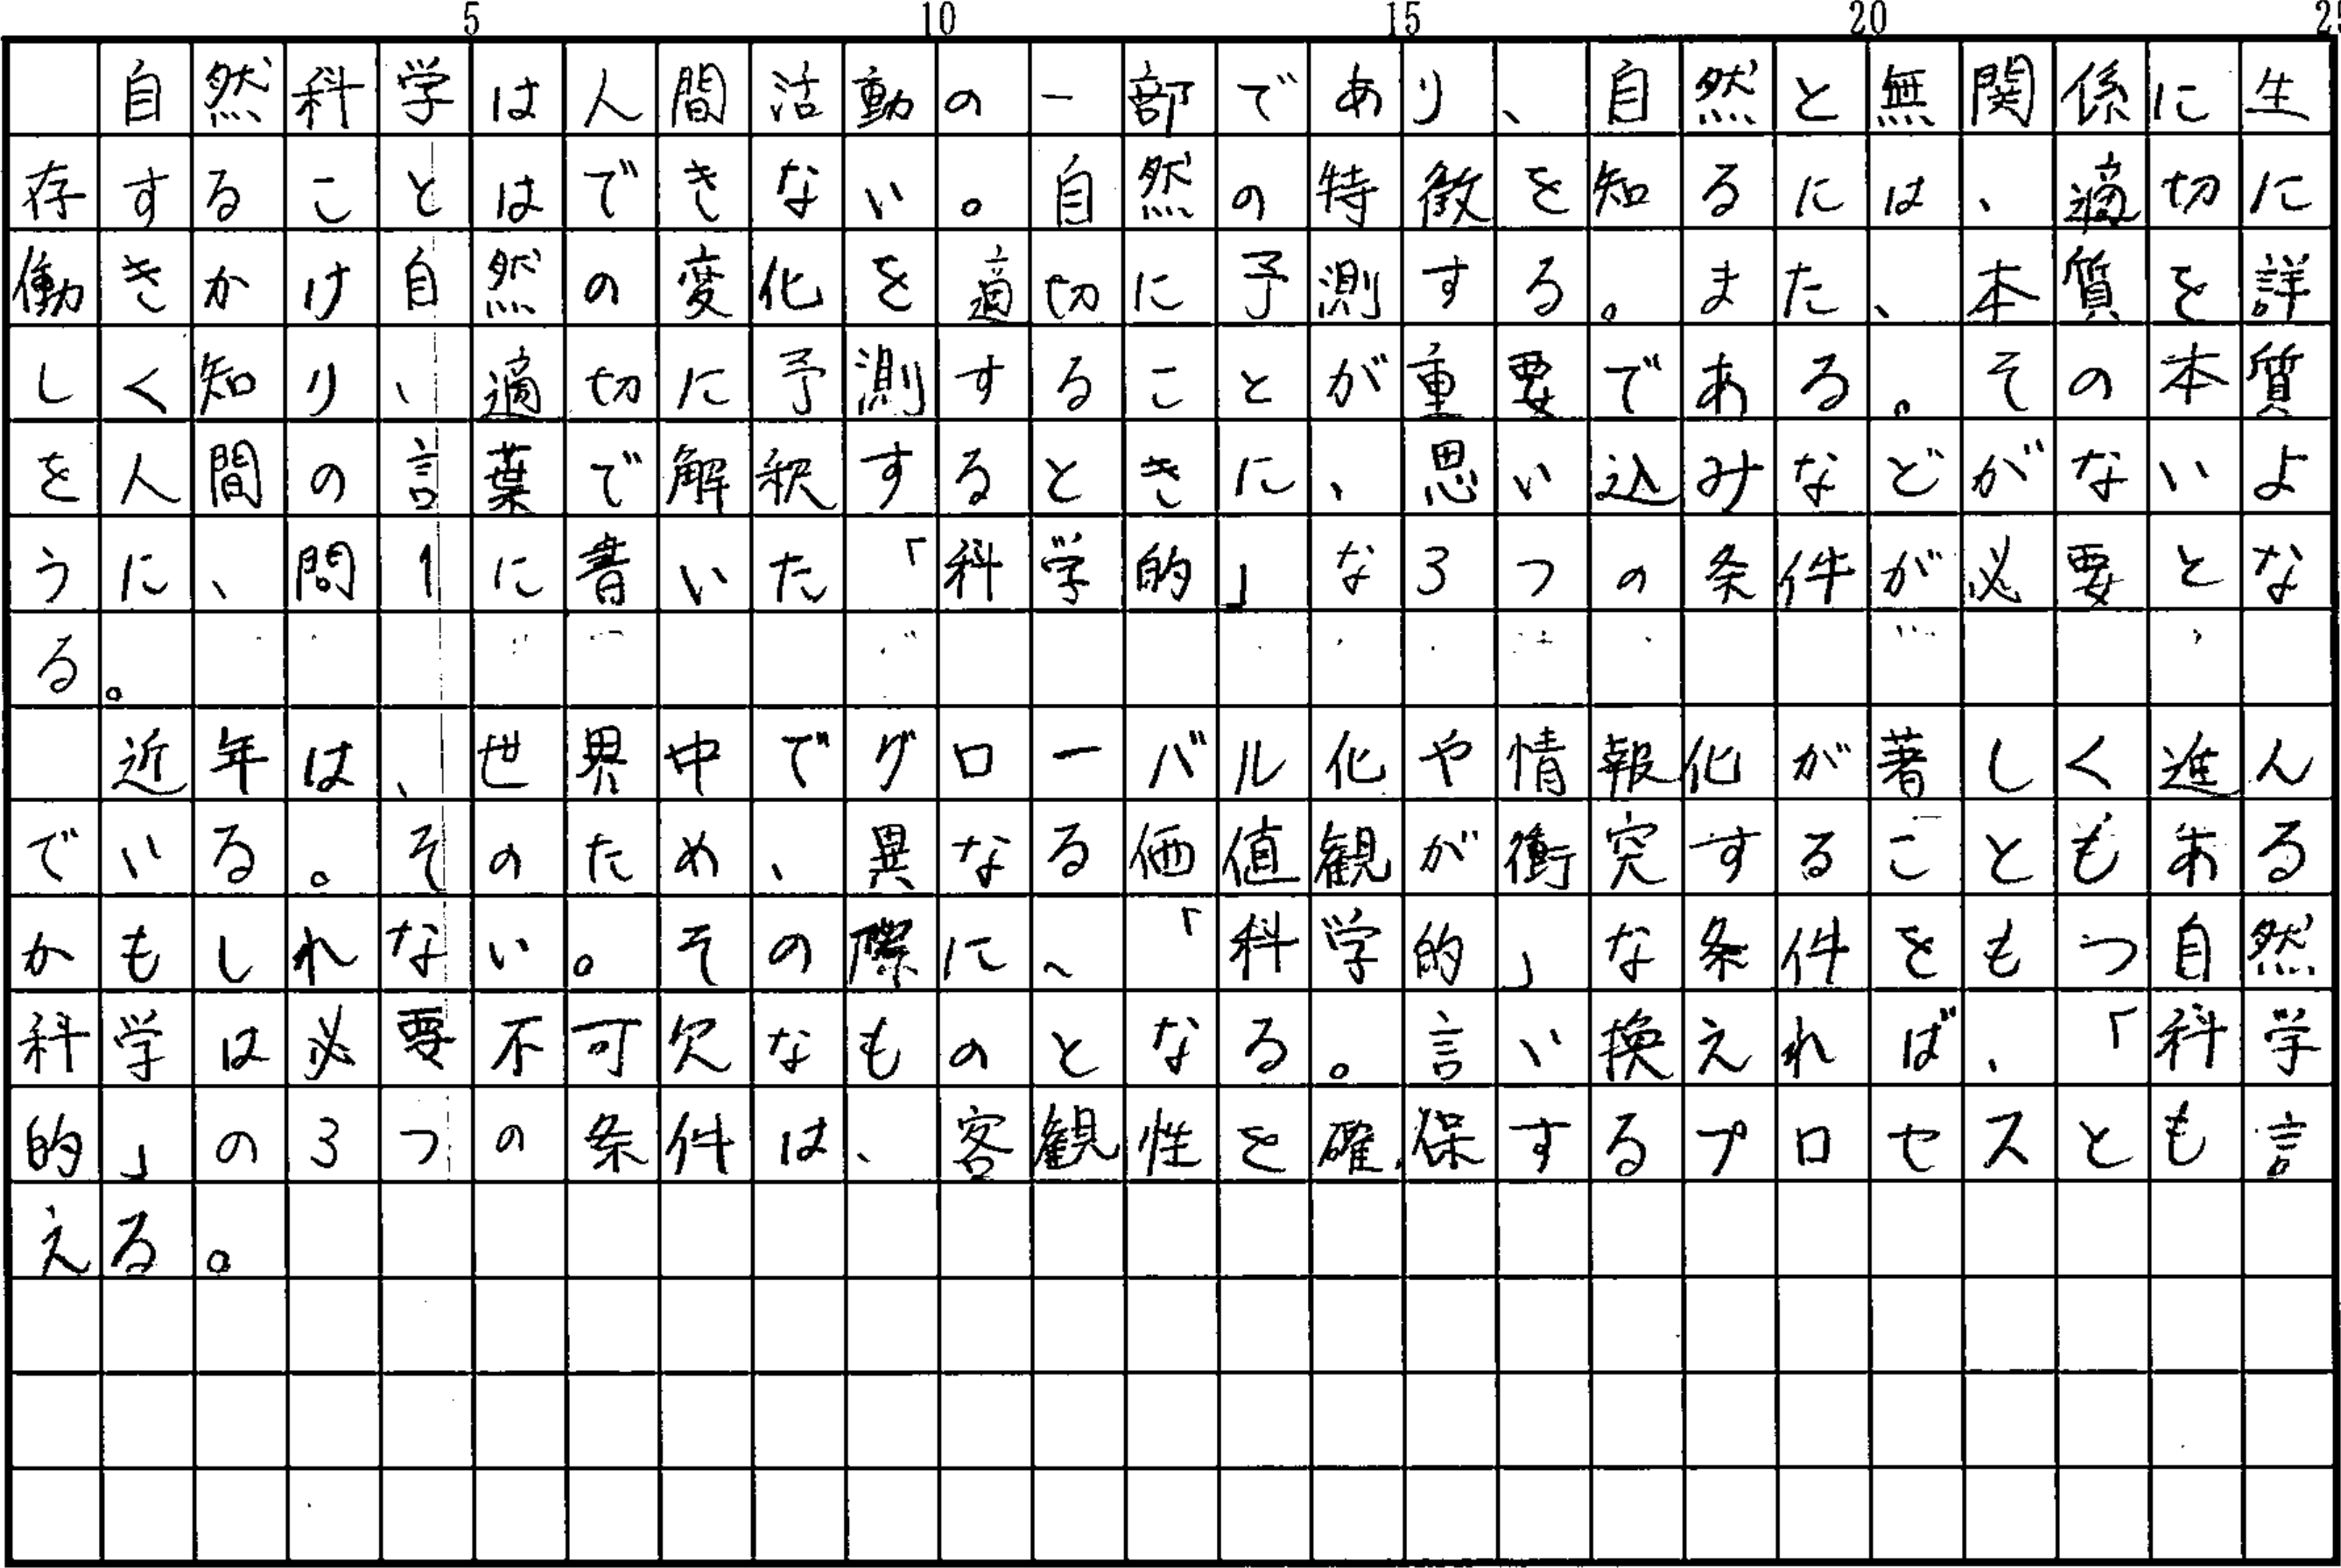　自然科学は人間活動の一部であり、自然と無関係に生存することはできない。自然の特徴を知るには、適切に働きかけ自然の変化を適切に予測する。また、本質を詳しく知り、適切に予測することが重要である。その本質を人間の言葉で解釈するときに、思い込みなどがないように、問１に書いた「科学的」な３つの条件が必要となる。
　近年は、世界中でグローバル化や情報化が著しく進んでいる。そのため、異なる価値観が衝突することもあるかもしれない。その際に、「科学的」な条件をもつ自然科学は必要不可欠なものとなる。言い換えれば、「科学的」の３つの条件は、客観性を確保するプロセスとも言える。
